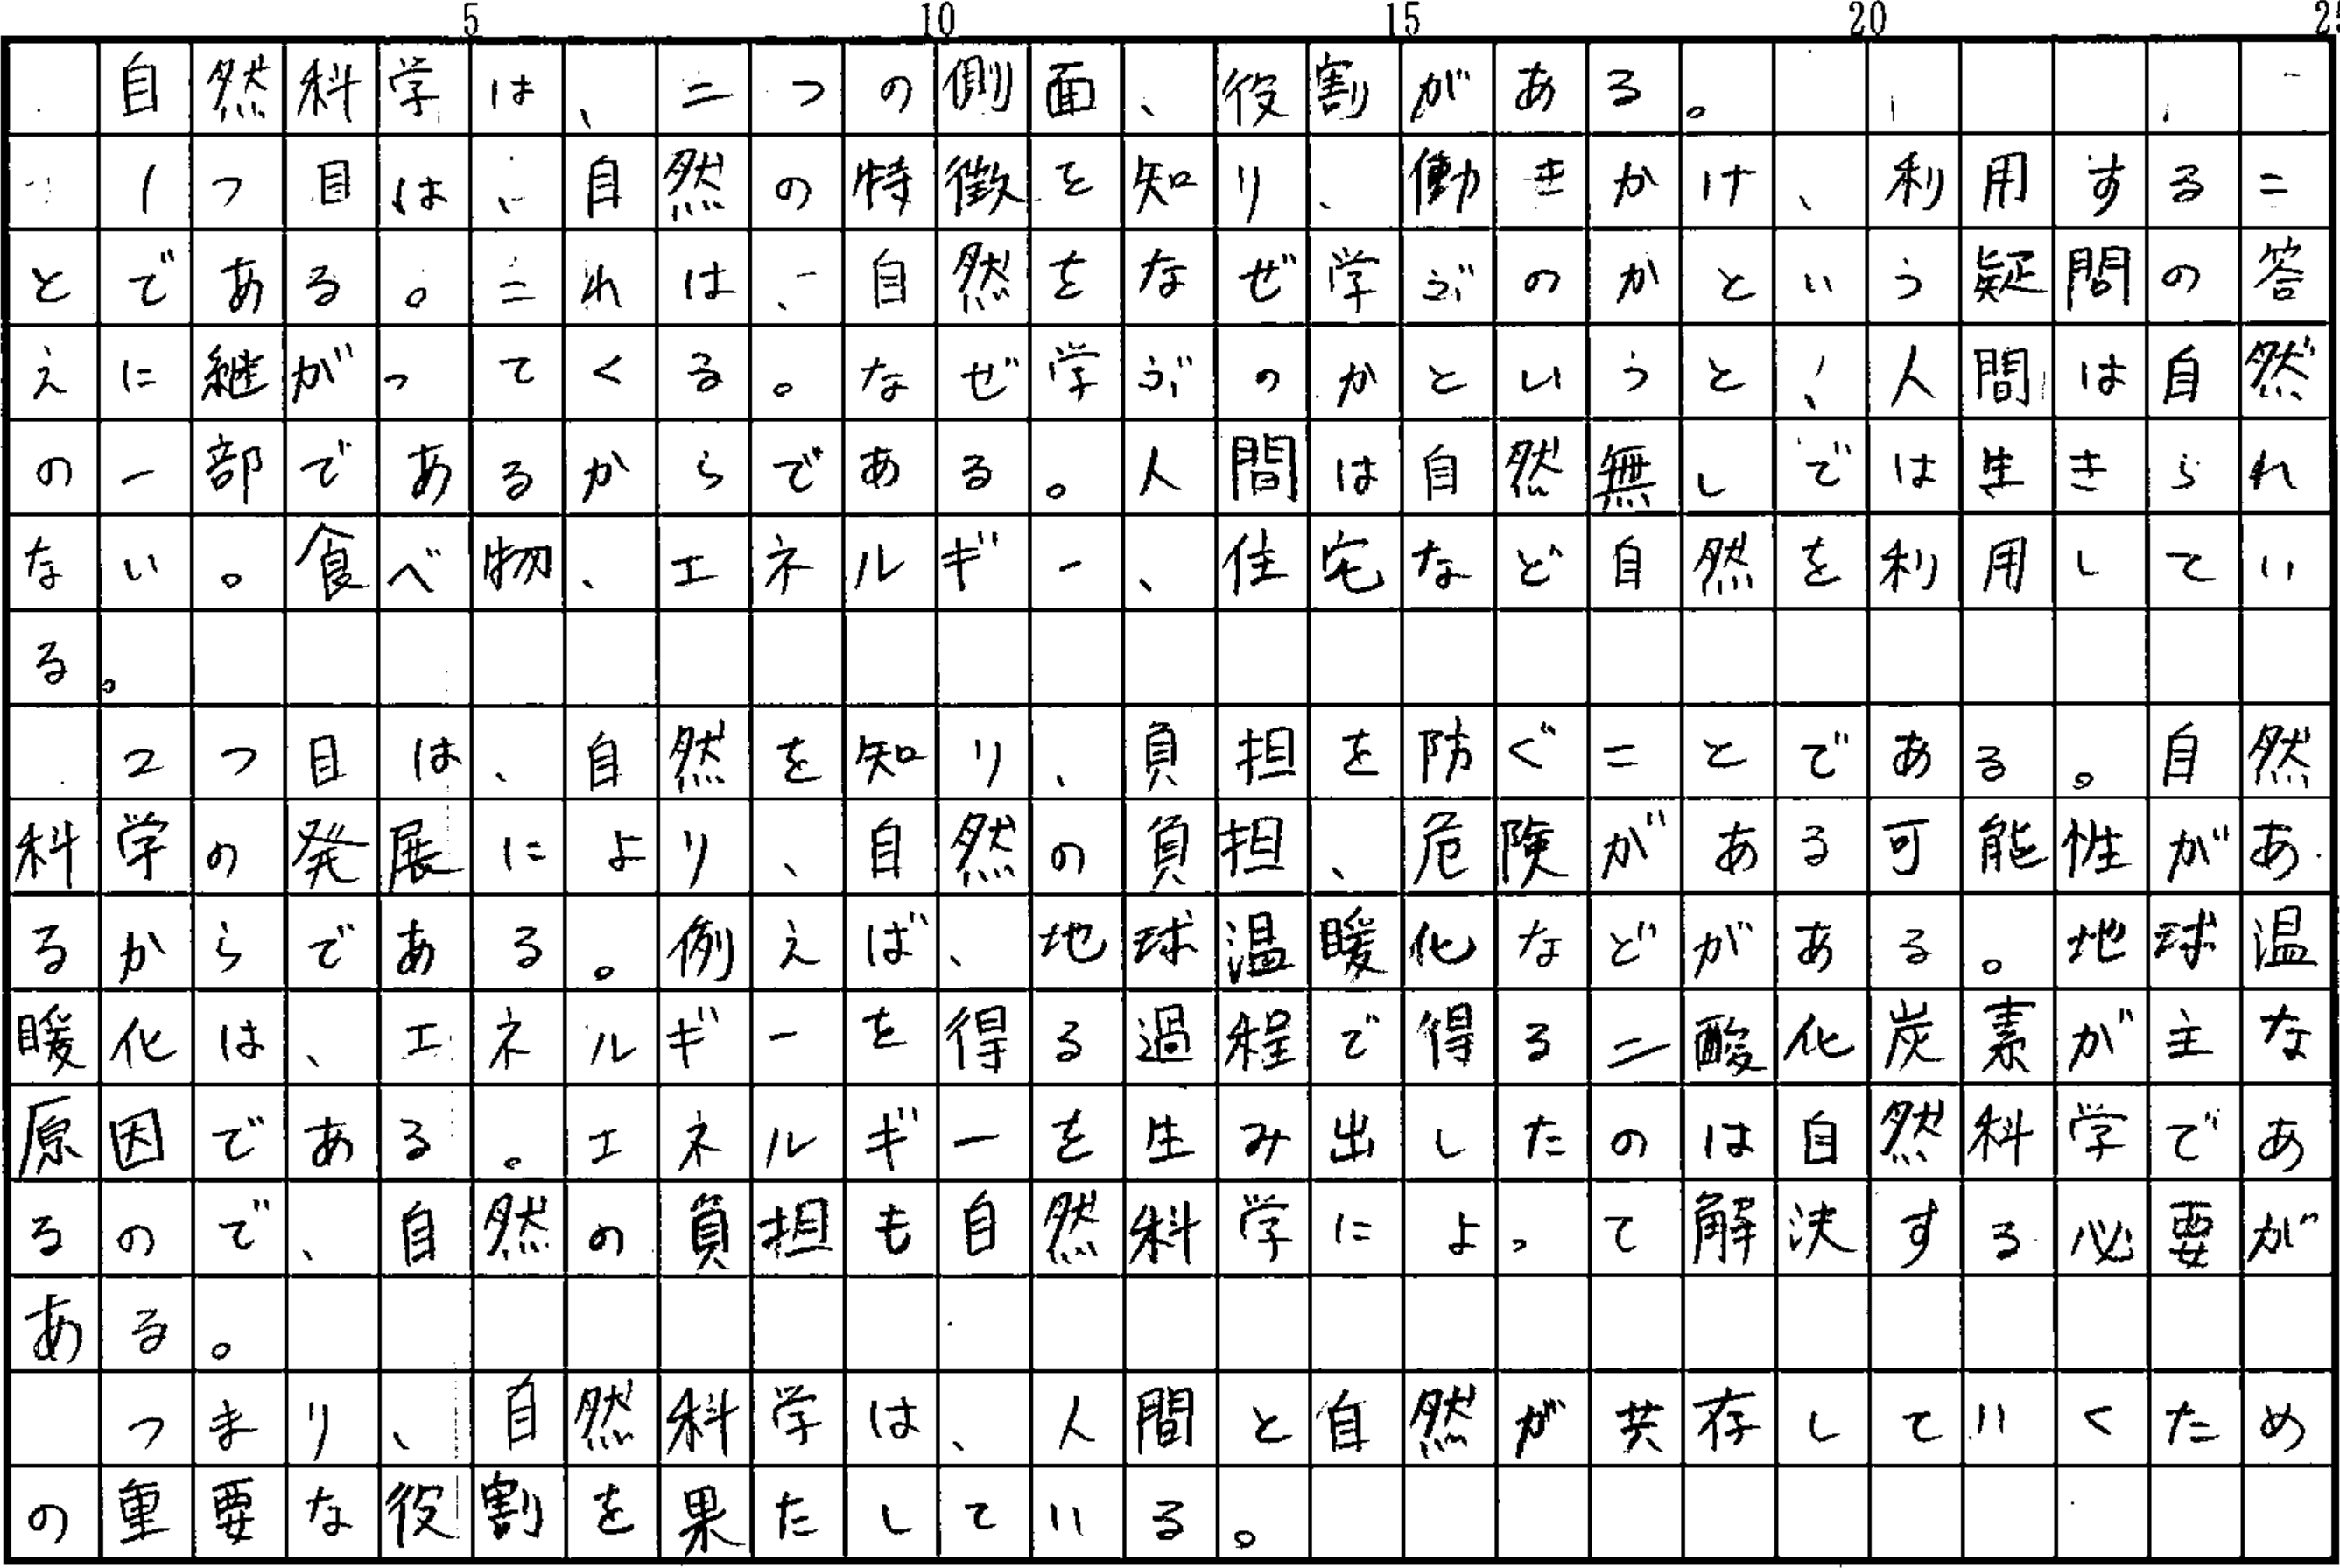　自然科学は、二つの側面、役割がある。
　１つ目は、自然の特徴を知り、働きかけ、利用することである。これは、自然をなぜ学ぶのかという疑問の答えに継がってくる。なぜ学ぶのかというと、人間は自然の一部であるからである。人間は自然無しでは生きられない。食べ物、エネルギー、住宅など自然を利用している。
　２つ目は、自然を知り、負担を防ぐことである。自然科学の発展により、自然の負担、危険がある可能性があるからである。例えば、地球温暖化などがある。地球温暖化は、エネルギーを得る過程で得る二酸化炭素が主な原因である。エネルギーを生み出したのは自然科学であるので、自然の負担も自然科学によって解決する必要がある。
　つまり、自然科学は、人間と自然が共存していくための重要な役割を果たしている。
